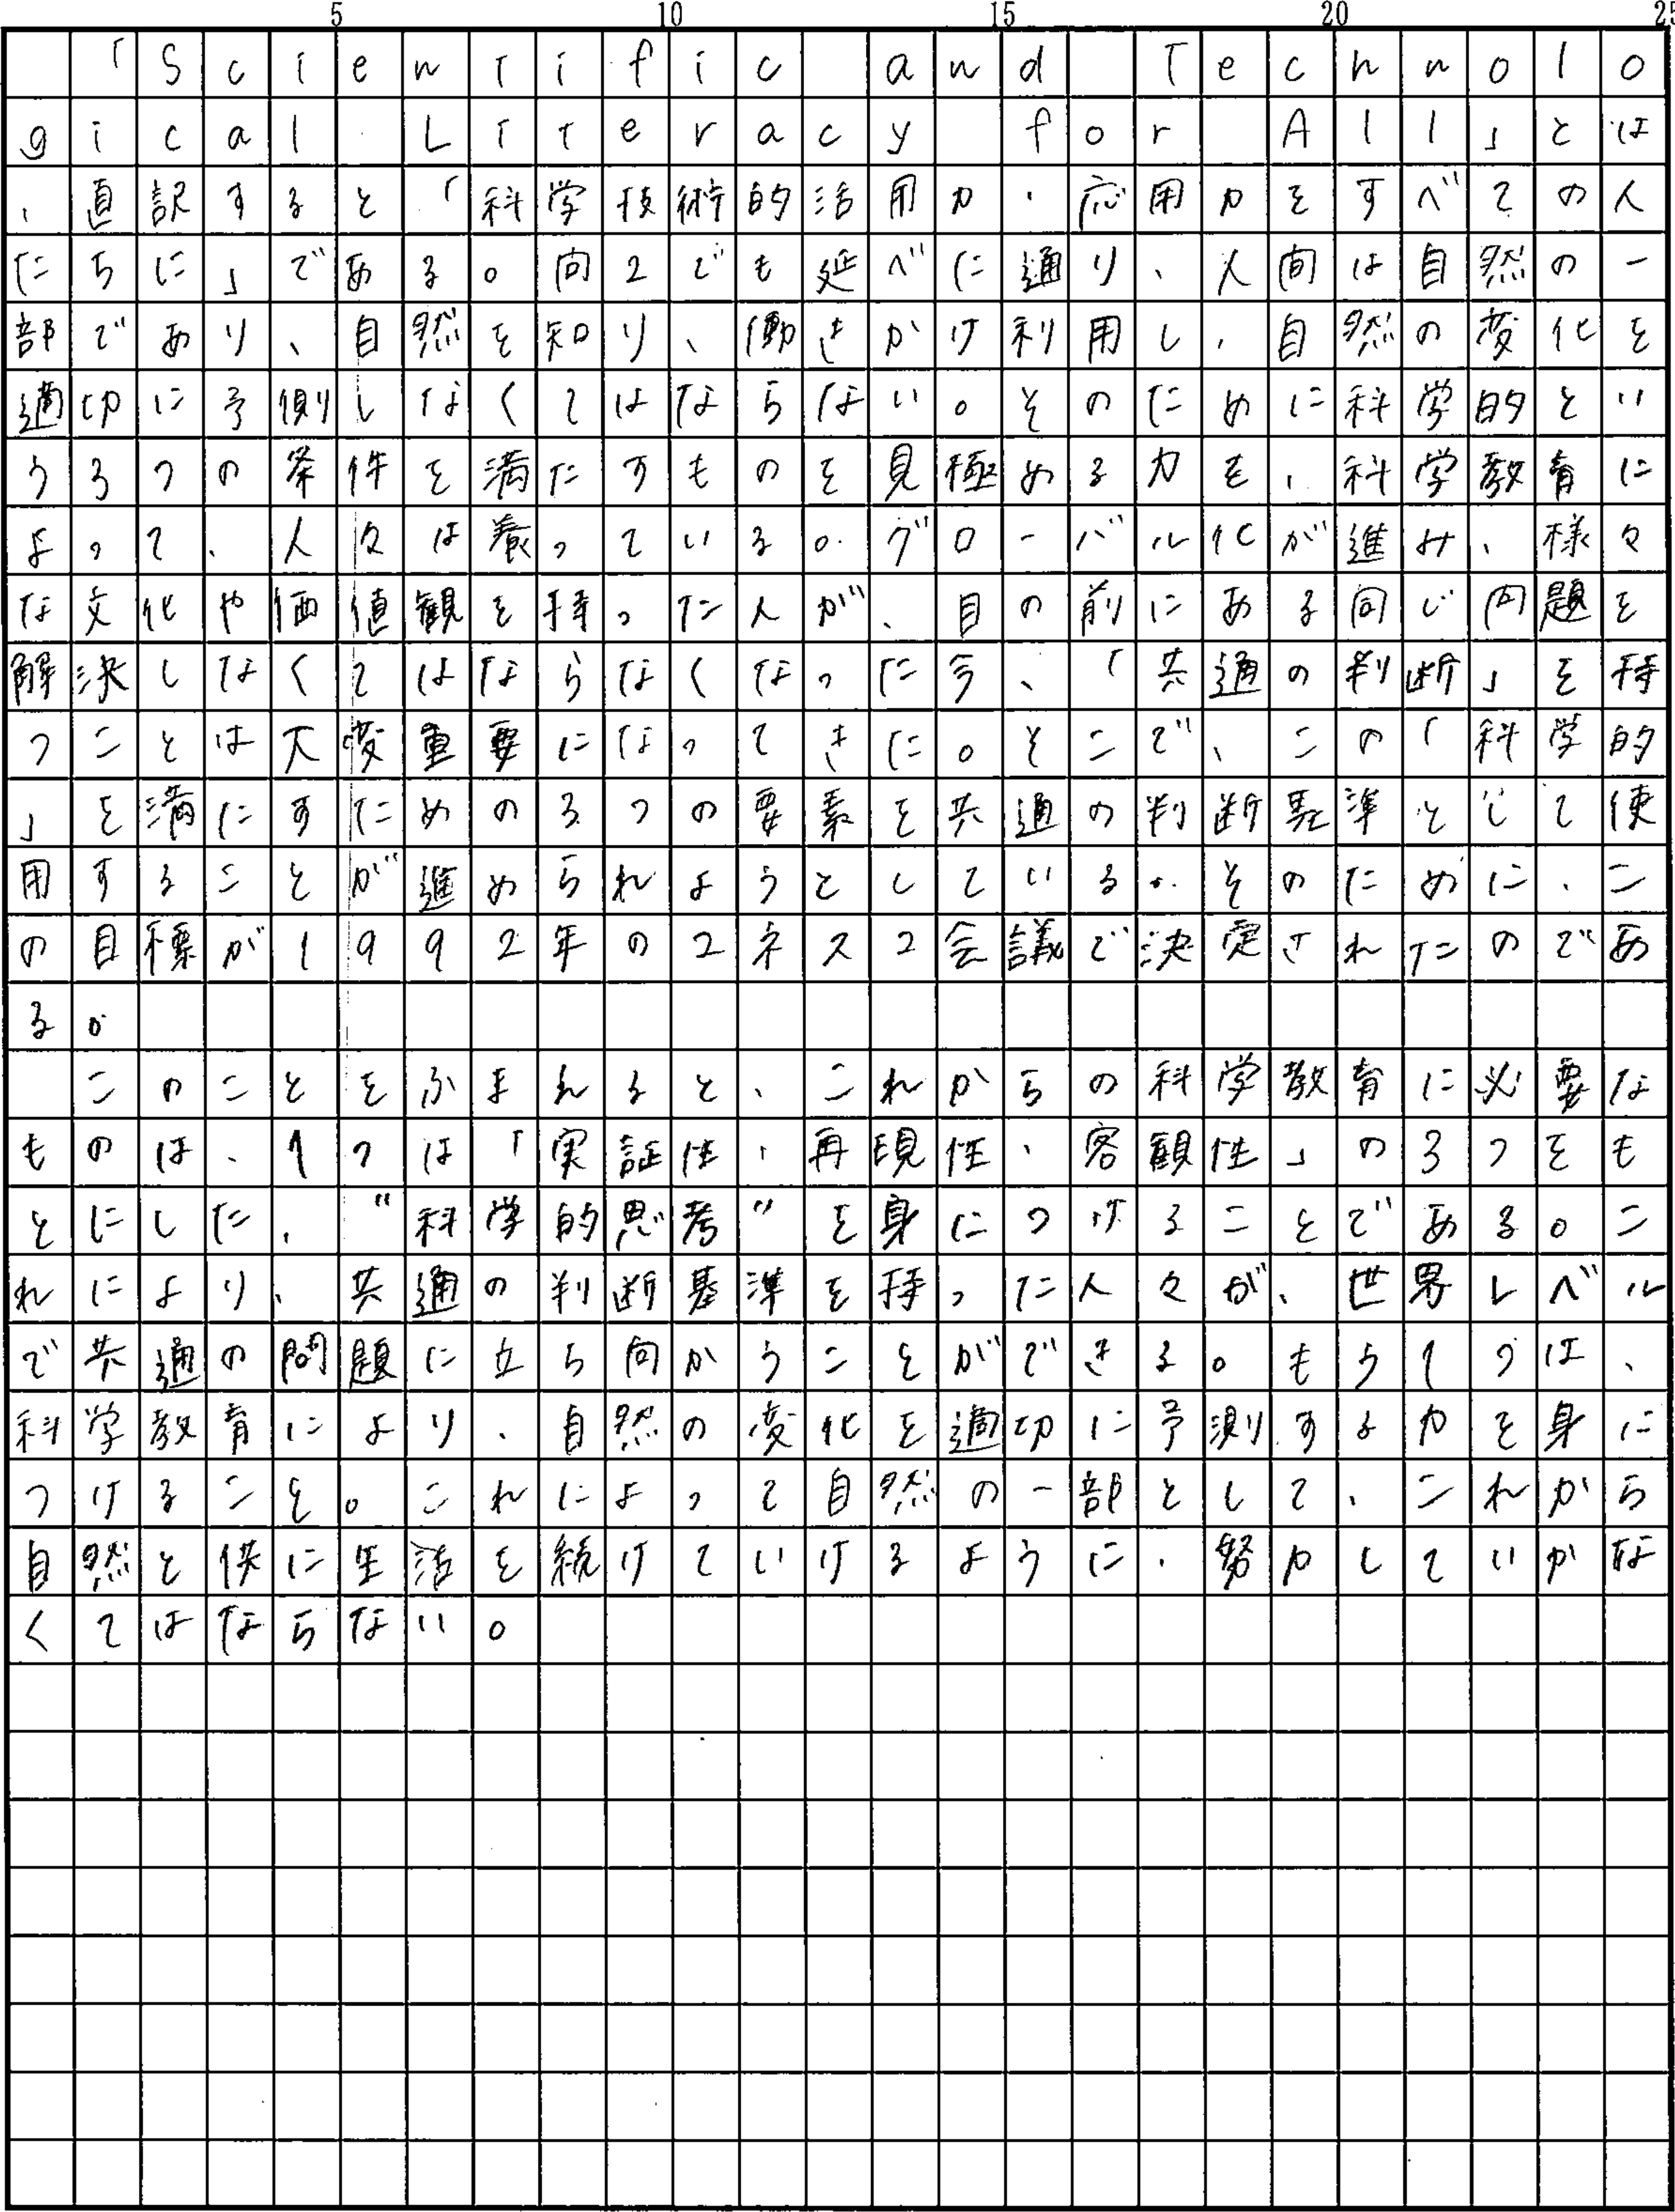　「Ｓｃｉｅｎｔｉｆｉｃ　ａｎｄ　Ｔｅｃｈｎｏｌｏｇｉｃａｌ　Ｌｉｔｅｒａｃｙ　ｆｏｒ　Ａｌｌ」とは、直訳すると「科学技術的活用力・応用力をすべての人たちに」である。問２でも延べた通り、人間は自然の一部であり、自然を知り、働きかけ利用し、自然の変化を適切に予側しなくてはならない。そのために科学的という３つの条件を満たすものを見極める力を、科学教育によって、人々は養っている。グローバル化が進み、様々な文化や価値観を持った人が、目の前にある同じ問題を解決しなくてはならなくなった今、「共通の判断」を持つことは大変重要になってきた。そこで、この「科学的」を満たすための３つの要素を共通の判断基準として使用することが進められようとしている。そのために、この目標が１９９２年のユネスコ会議で決定されたのである。
　このことをふまえると、これからの科学教育に必要なものは、１つは「実証性・再現性・客観性」の３つをもとにした、〝科学的思考″を身につけることである。これにより、共通の判断基準を持った人々が、世界レベルで共通の問題に立ち向かうことができる。もう１つは、科学教育により、自然の変化を適切に予測する力を身につけること。これによって自然の一部として、これから自然と供に生活を続けていけるように、努力していかなくてはならない。
